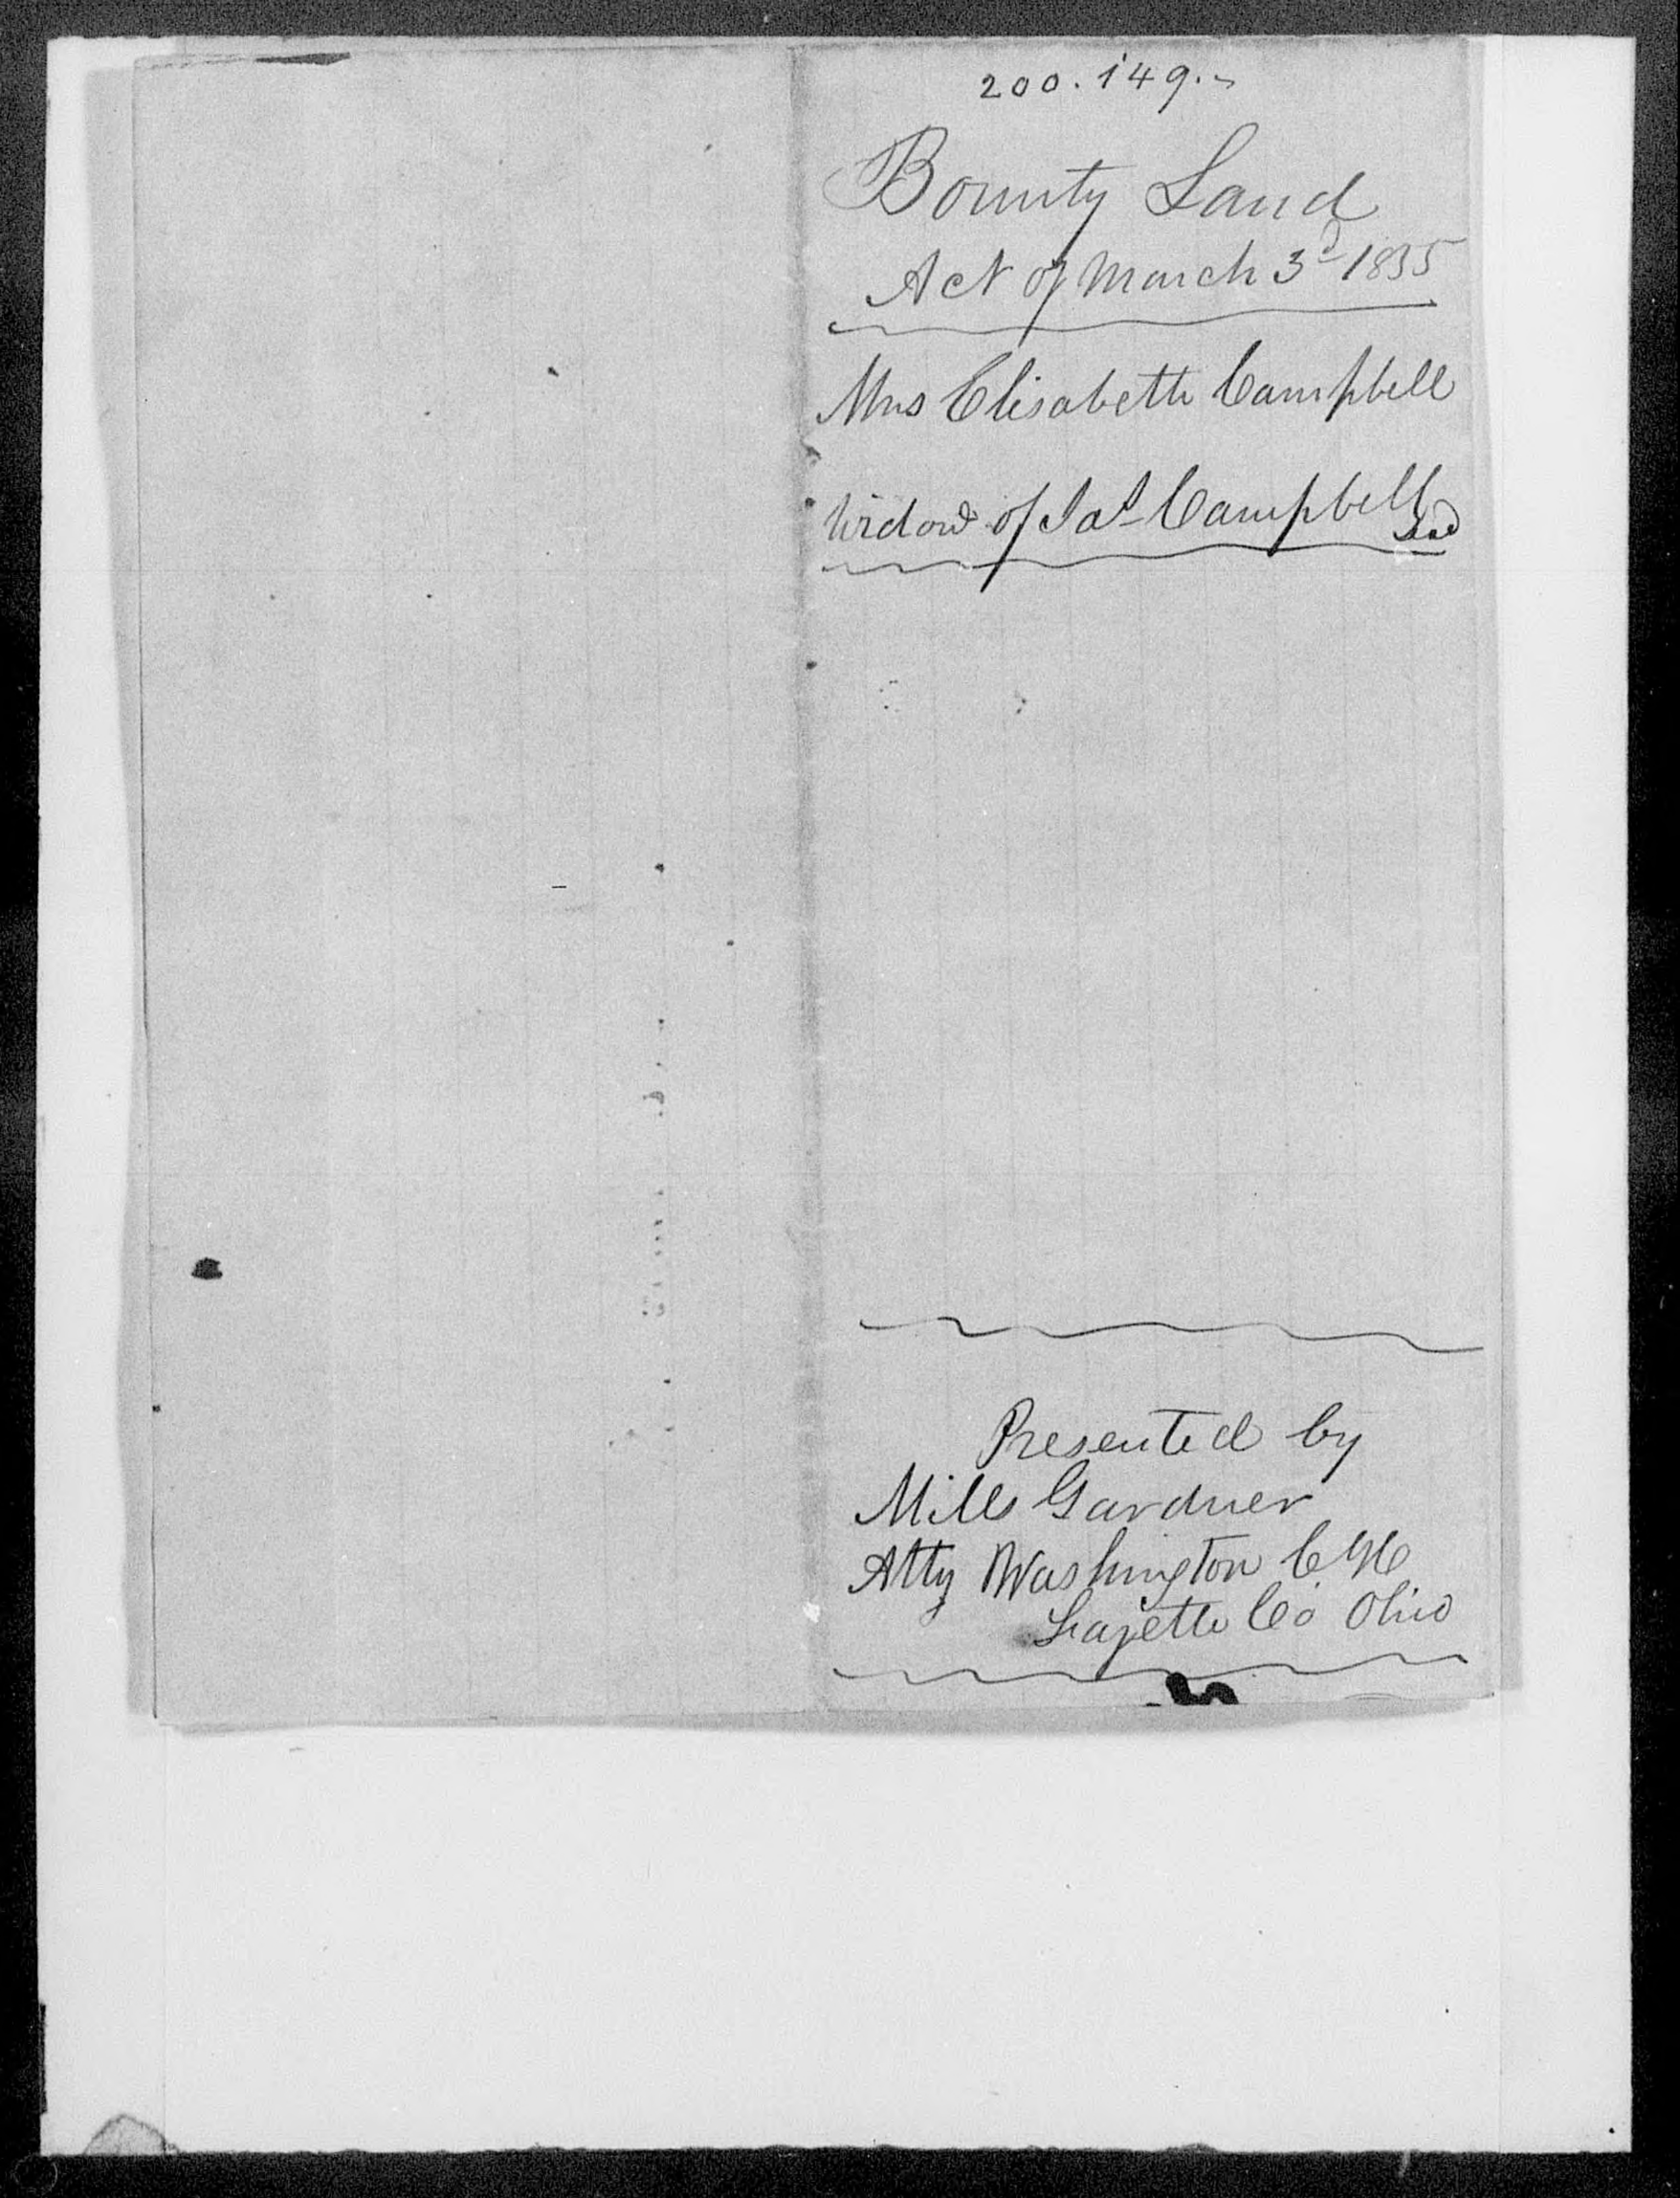200.149.~
Bounty Land
Act of March 3d 1855
Mrs Elisabeth Campbell
Widow of Jas. Campbell decd
Presented by Mills Gardner
Atty Washington C. H.
Fayette Co Ohio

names: Elisabeth Campbell, Jas Campbell, Mills Gardner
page: 16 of 47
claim: widow's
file: W. 25384, James Campbell, Va.